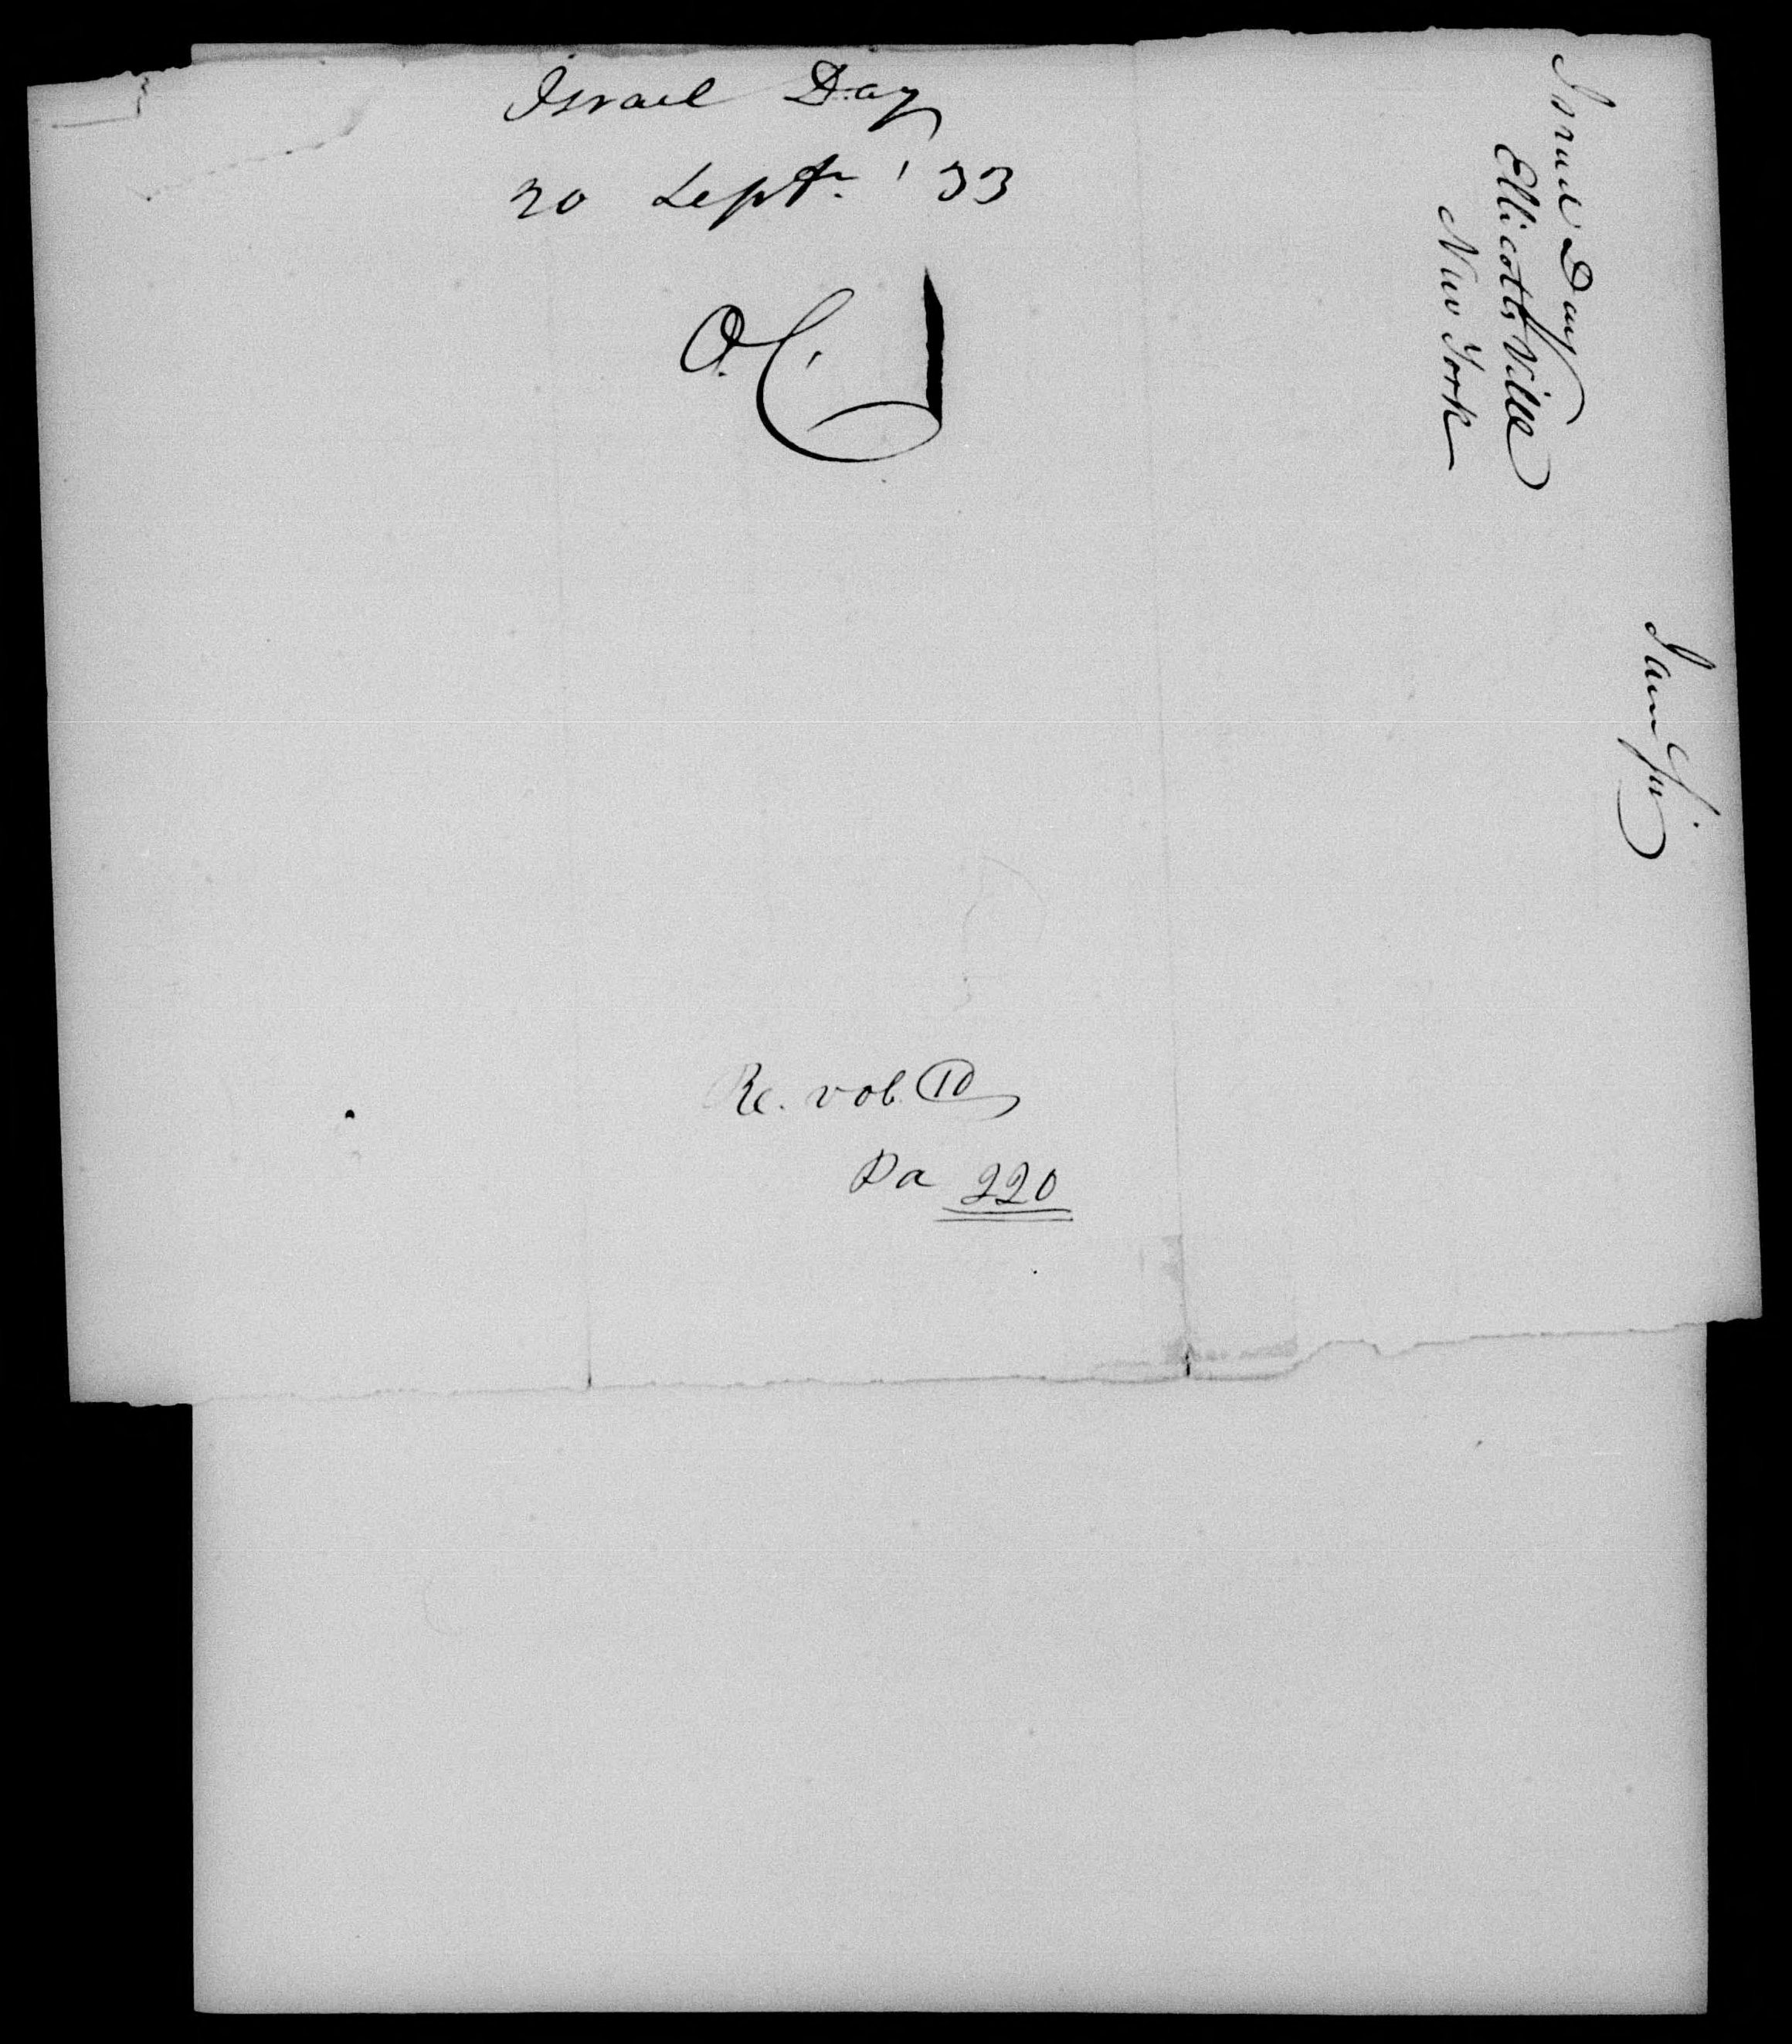Israel Day
20 Sept. '33
A.C.
Revol.
Pa 220
Israel Day
Ellicottville 
New York
[illegible]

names: Israel Day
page: 13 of 19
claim: rejected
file: R 7390, for Timothy Morgan, Connecticut